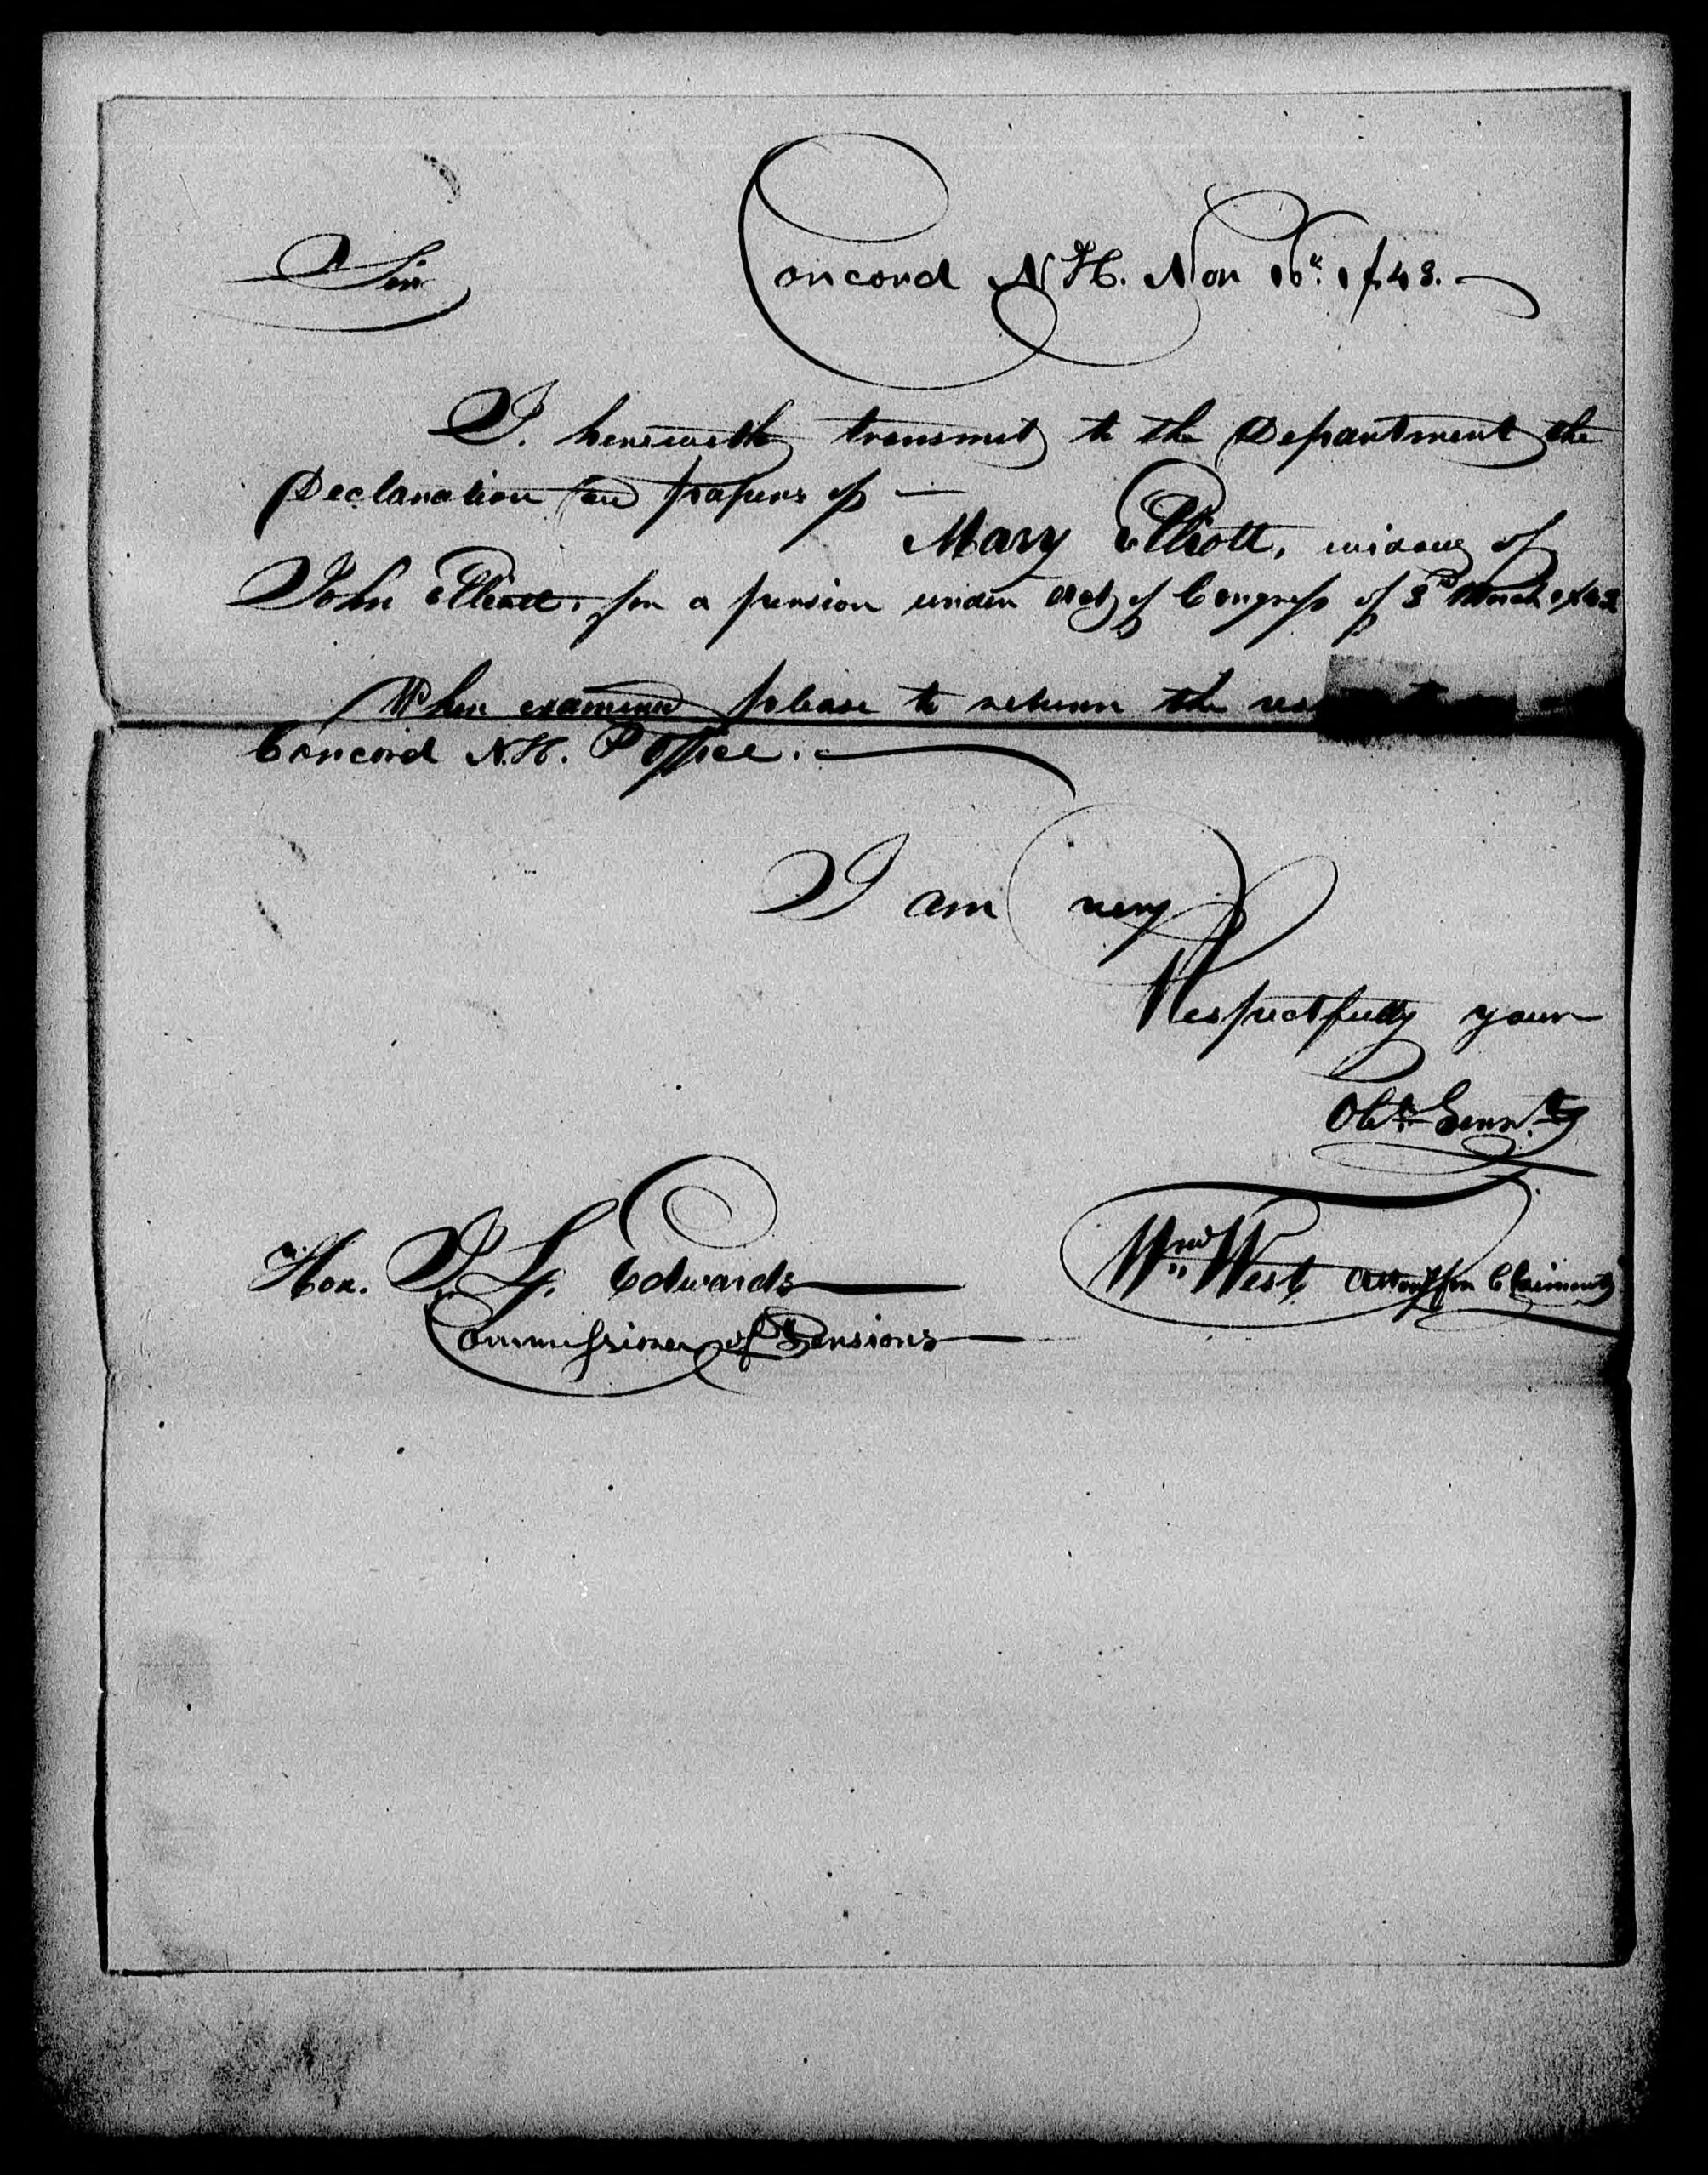Concord N H. Nov 16t 1848
Sir
I herewith transmit to the Department the
Declaration and papers of Mary Elliott, widow of
John Elliott for a pension under act of Congress of 3 March 1843
This woman please to return the res[illegible]
Concord N.H. P Office

I Am
very
Respectfully
your
Obt Senn
Wm West Attny for Claimant

Hon. J L. Edwards
Commissioner of Pensions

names: Mary Elliott, J L Edwards, John Elliott, Wm West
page: 31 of 57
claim: widow's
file: W. 16,114, John Elliot, Continental (Mass) N.H.